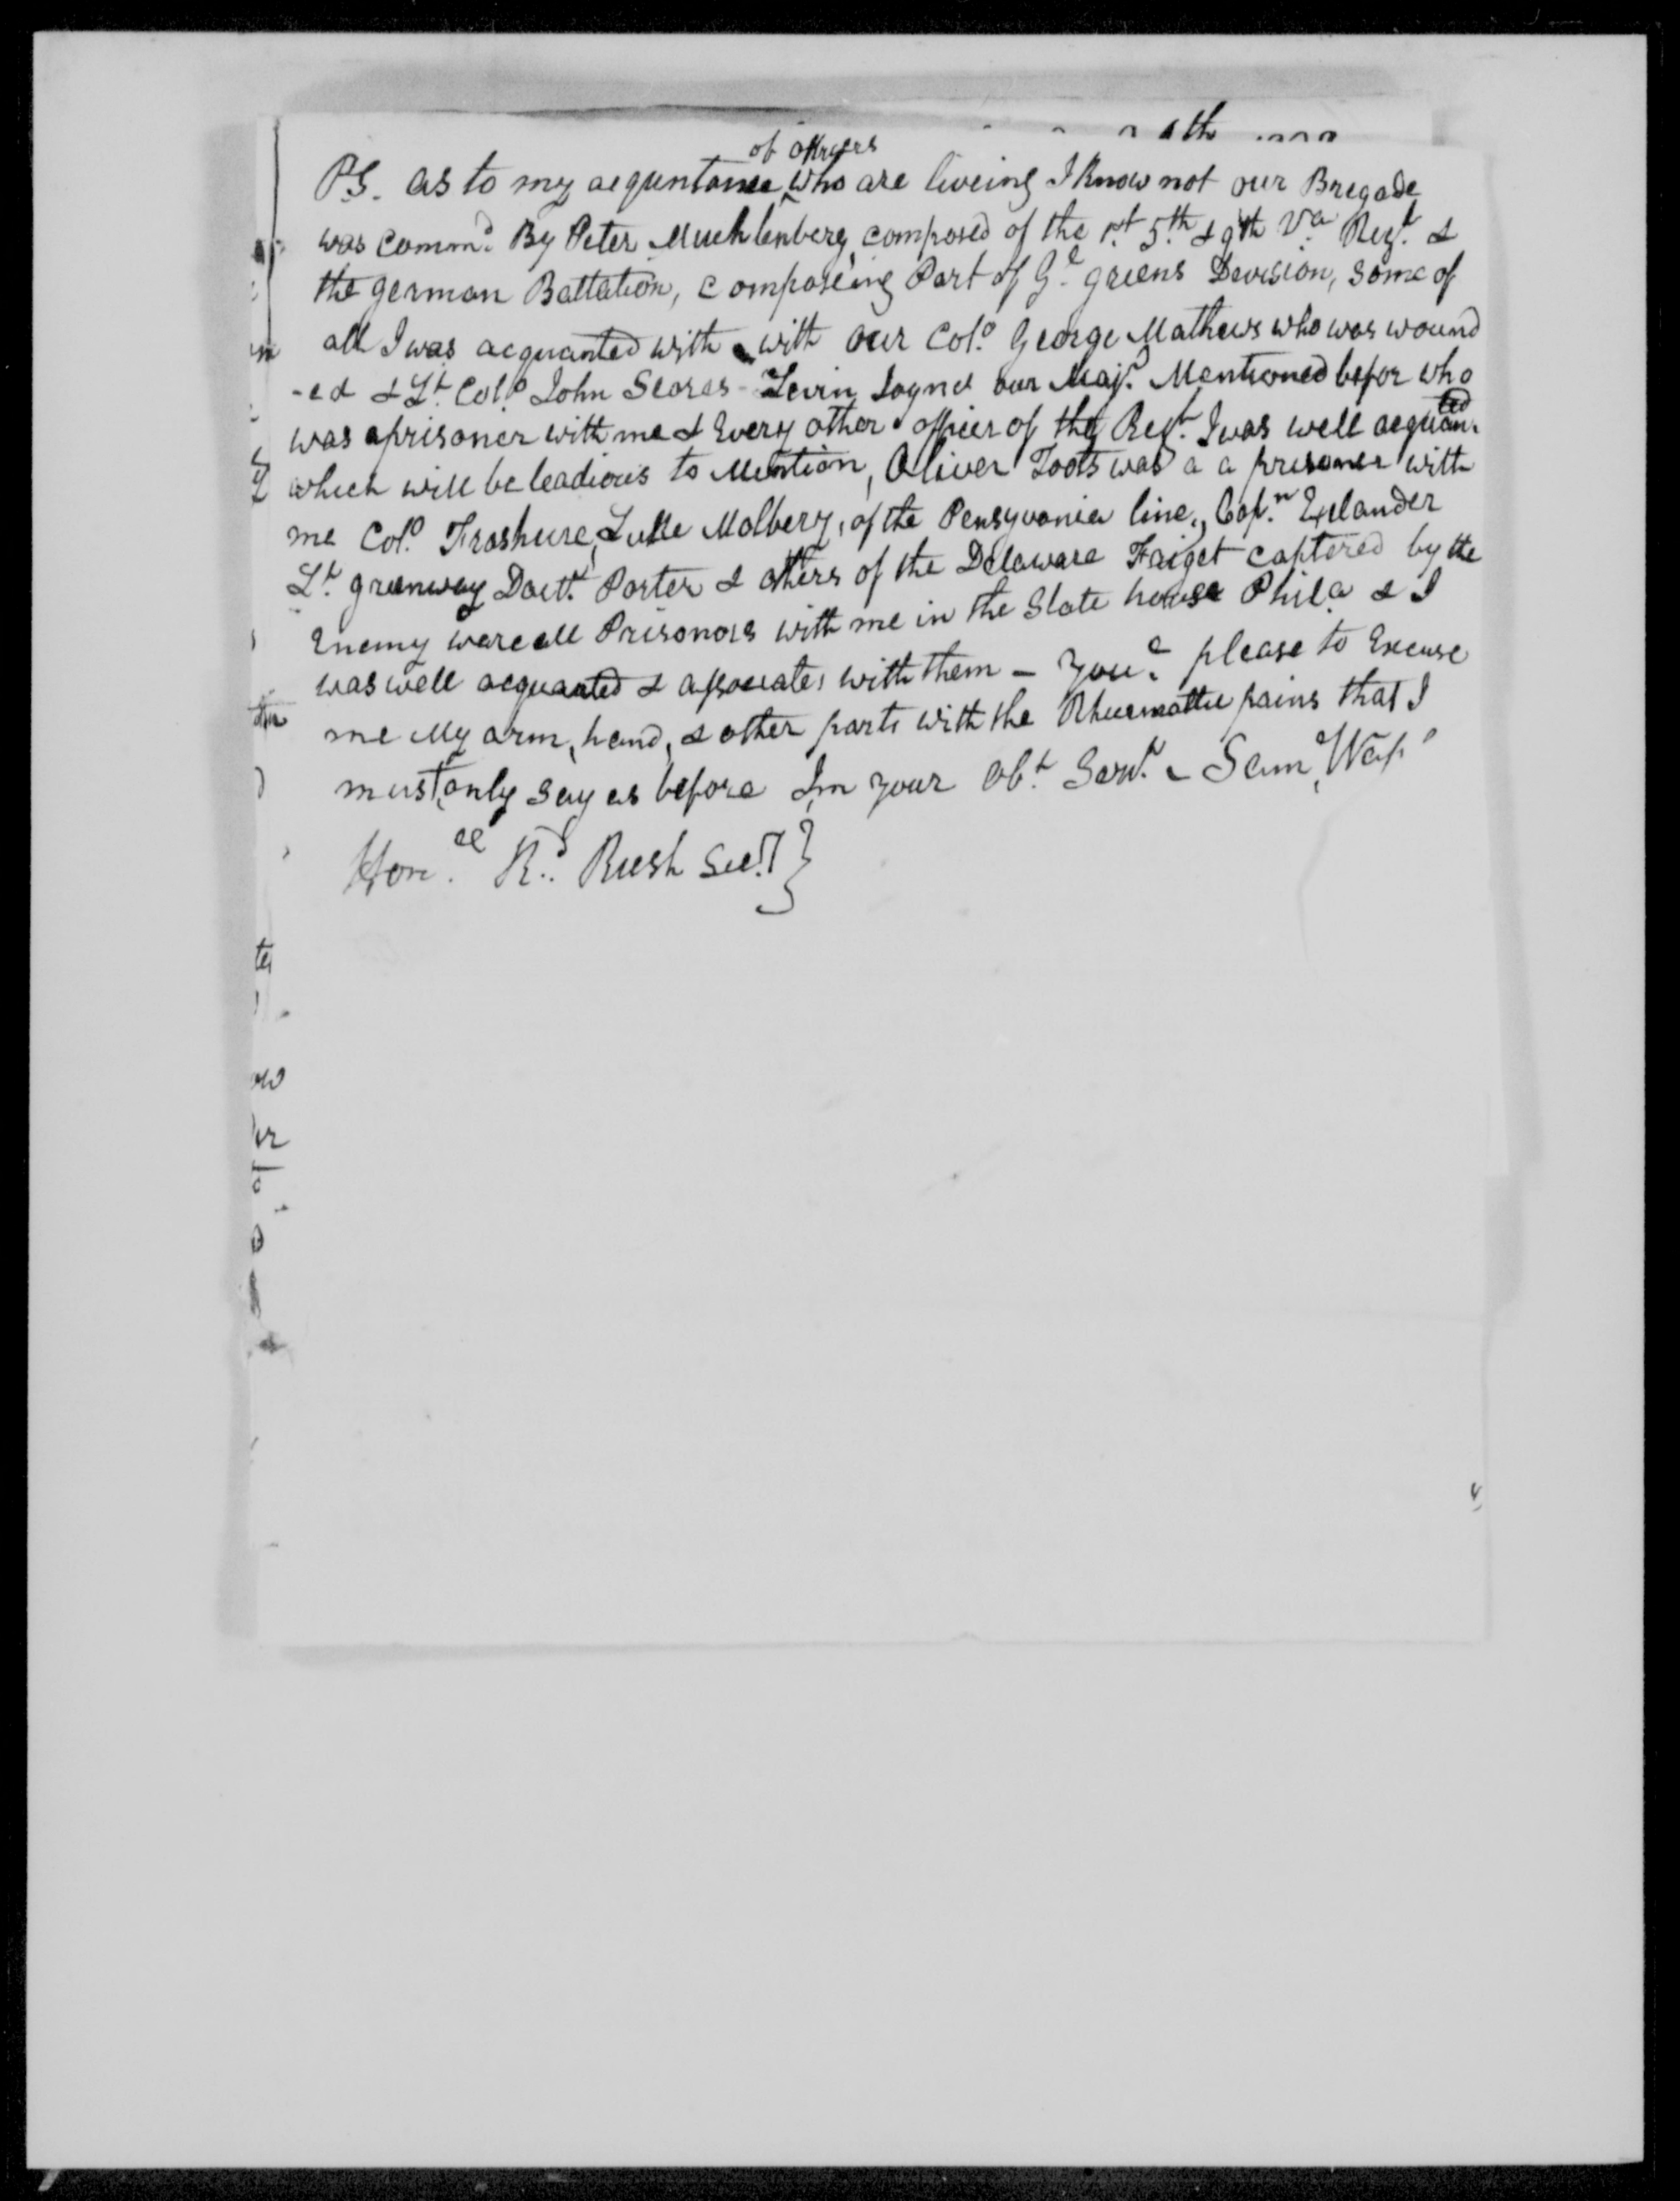[handwritten] 
P. S. as to my acquntance of officers who are liveing I know not our Bregade was
commd By Peter Muehlenberg composed of the 1st 5th & 9th Va Regt. & the German Battalion, composing Part of Gl. Greens Devision, some of all I was acquanted with  with our Colo. George Mathews who was wounded & Lt.  Colo. John Scores -  Levin Joyne our Majr. Mentioned before who was a prisoner with me & Every other officer of the Regt. I was well acquainted which will be teadious to mention, Oliver Toots was a prisoner with me Colo. Frashure Luke Molbery of the Pensyvania line, Capn  Exelander Lt. Greenway Doct Porter & others of the Delaware Friget Captered by the
enemy were all prisoners with me in the State house Phila & I was well acquainted & associates with them, youl. please to excuse
me my arm, hand, & other parts with the Rhuematter pains that I must only say as before I'm your Obt Sevt. Sam Waples
Honl. R Rush Secy. }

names: George Matheus, Exelander, Frashure Lutle Molbery, Sam Wapl, Peter Muehlenberg, Porter, Greenway, Oliver Toots, John Scares, Levin Joynes, Rd Bush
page: 56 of 59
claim: widow's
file: W. 6427, Samuel Waples, Va.